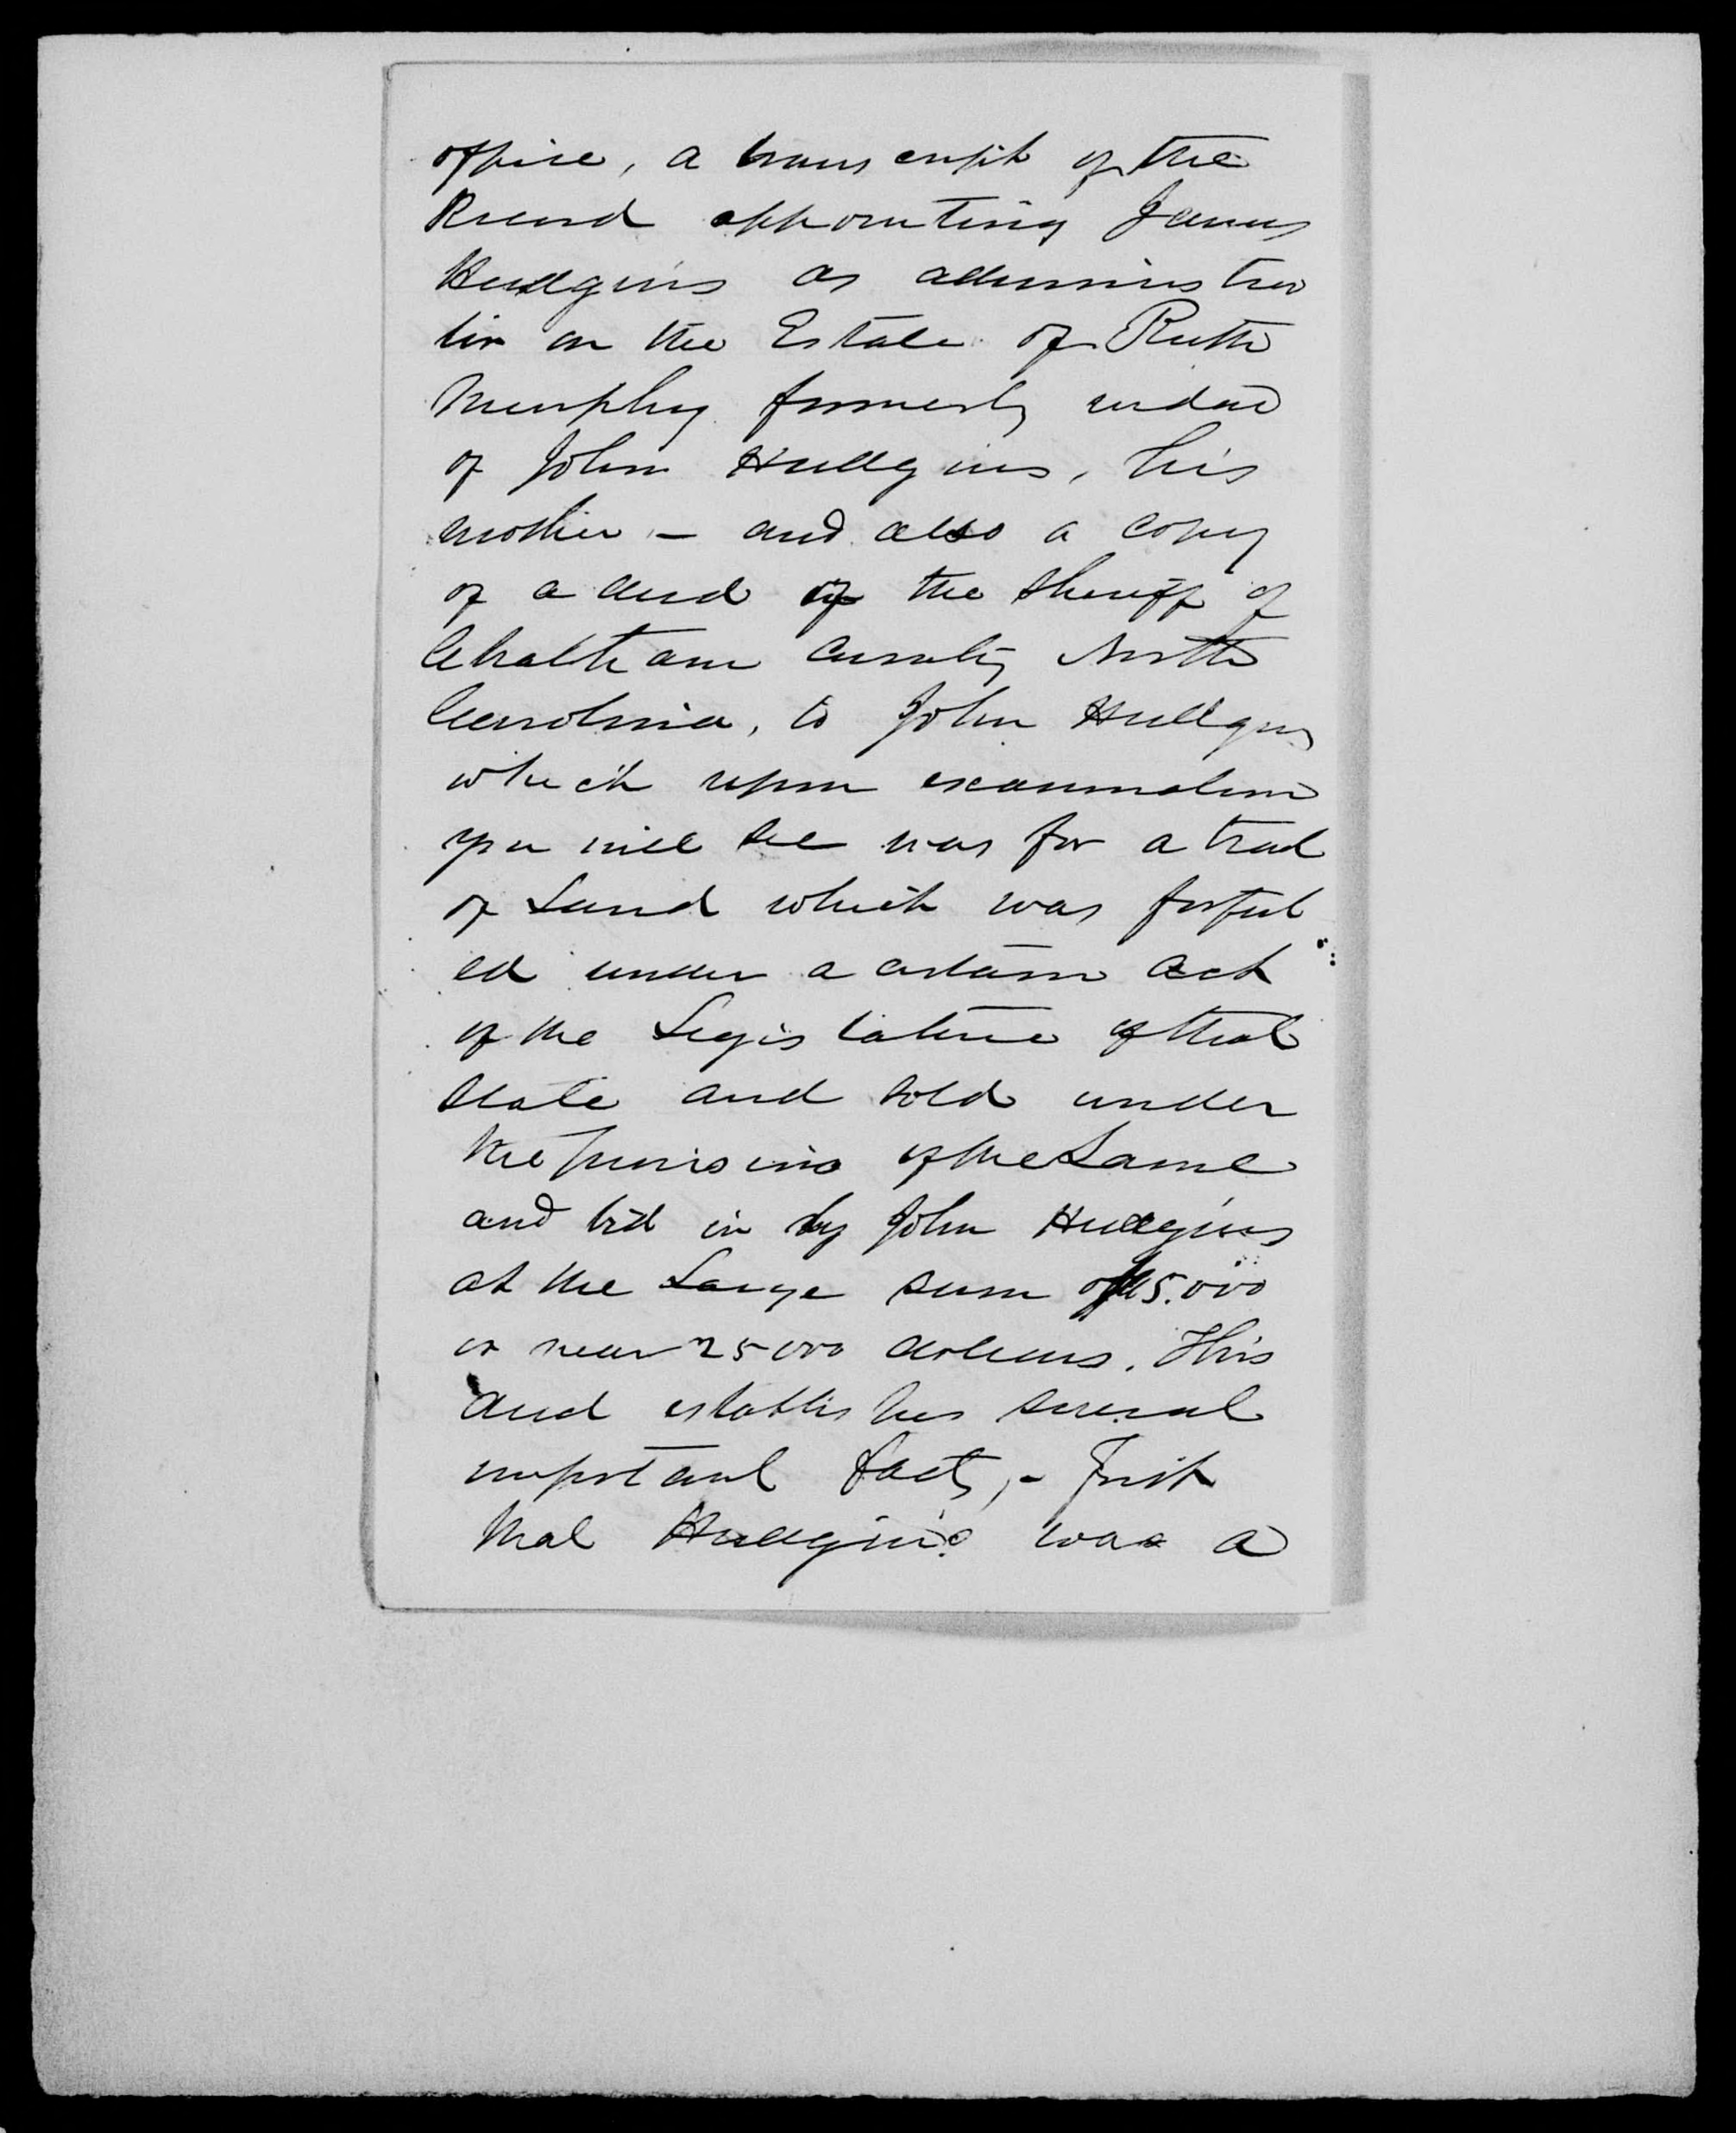Office a transaction of true record appointing James Hudgins as (not legible) to his an the estate of Ruth Murphy formerly widow of John Hudgins, his mother - and also a copy of a deed of the sheriff of Chatham County South Carolina, to John Hullgin which upon examination you will see was for a track of land which was forfeited under a certain act of the (not legible) of that state and hold under the (not legible) of the same and (not legible) in (not legible) John Hudgins at the large sum of $5,000 in arrear $25,000 dollars. This and estate dues several important facts - Just Mal Hullgins was a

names: James Hudgins, John Hudgins, Ruth Murphy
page: 23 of 108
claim: rejected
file: R. 7,515, John Hudgins, N.C.